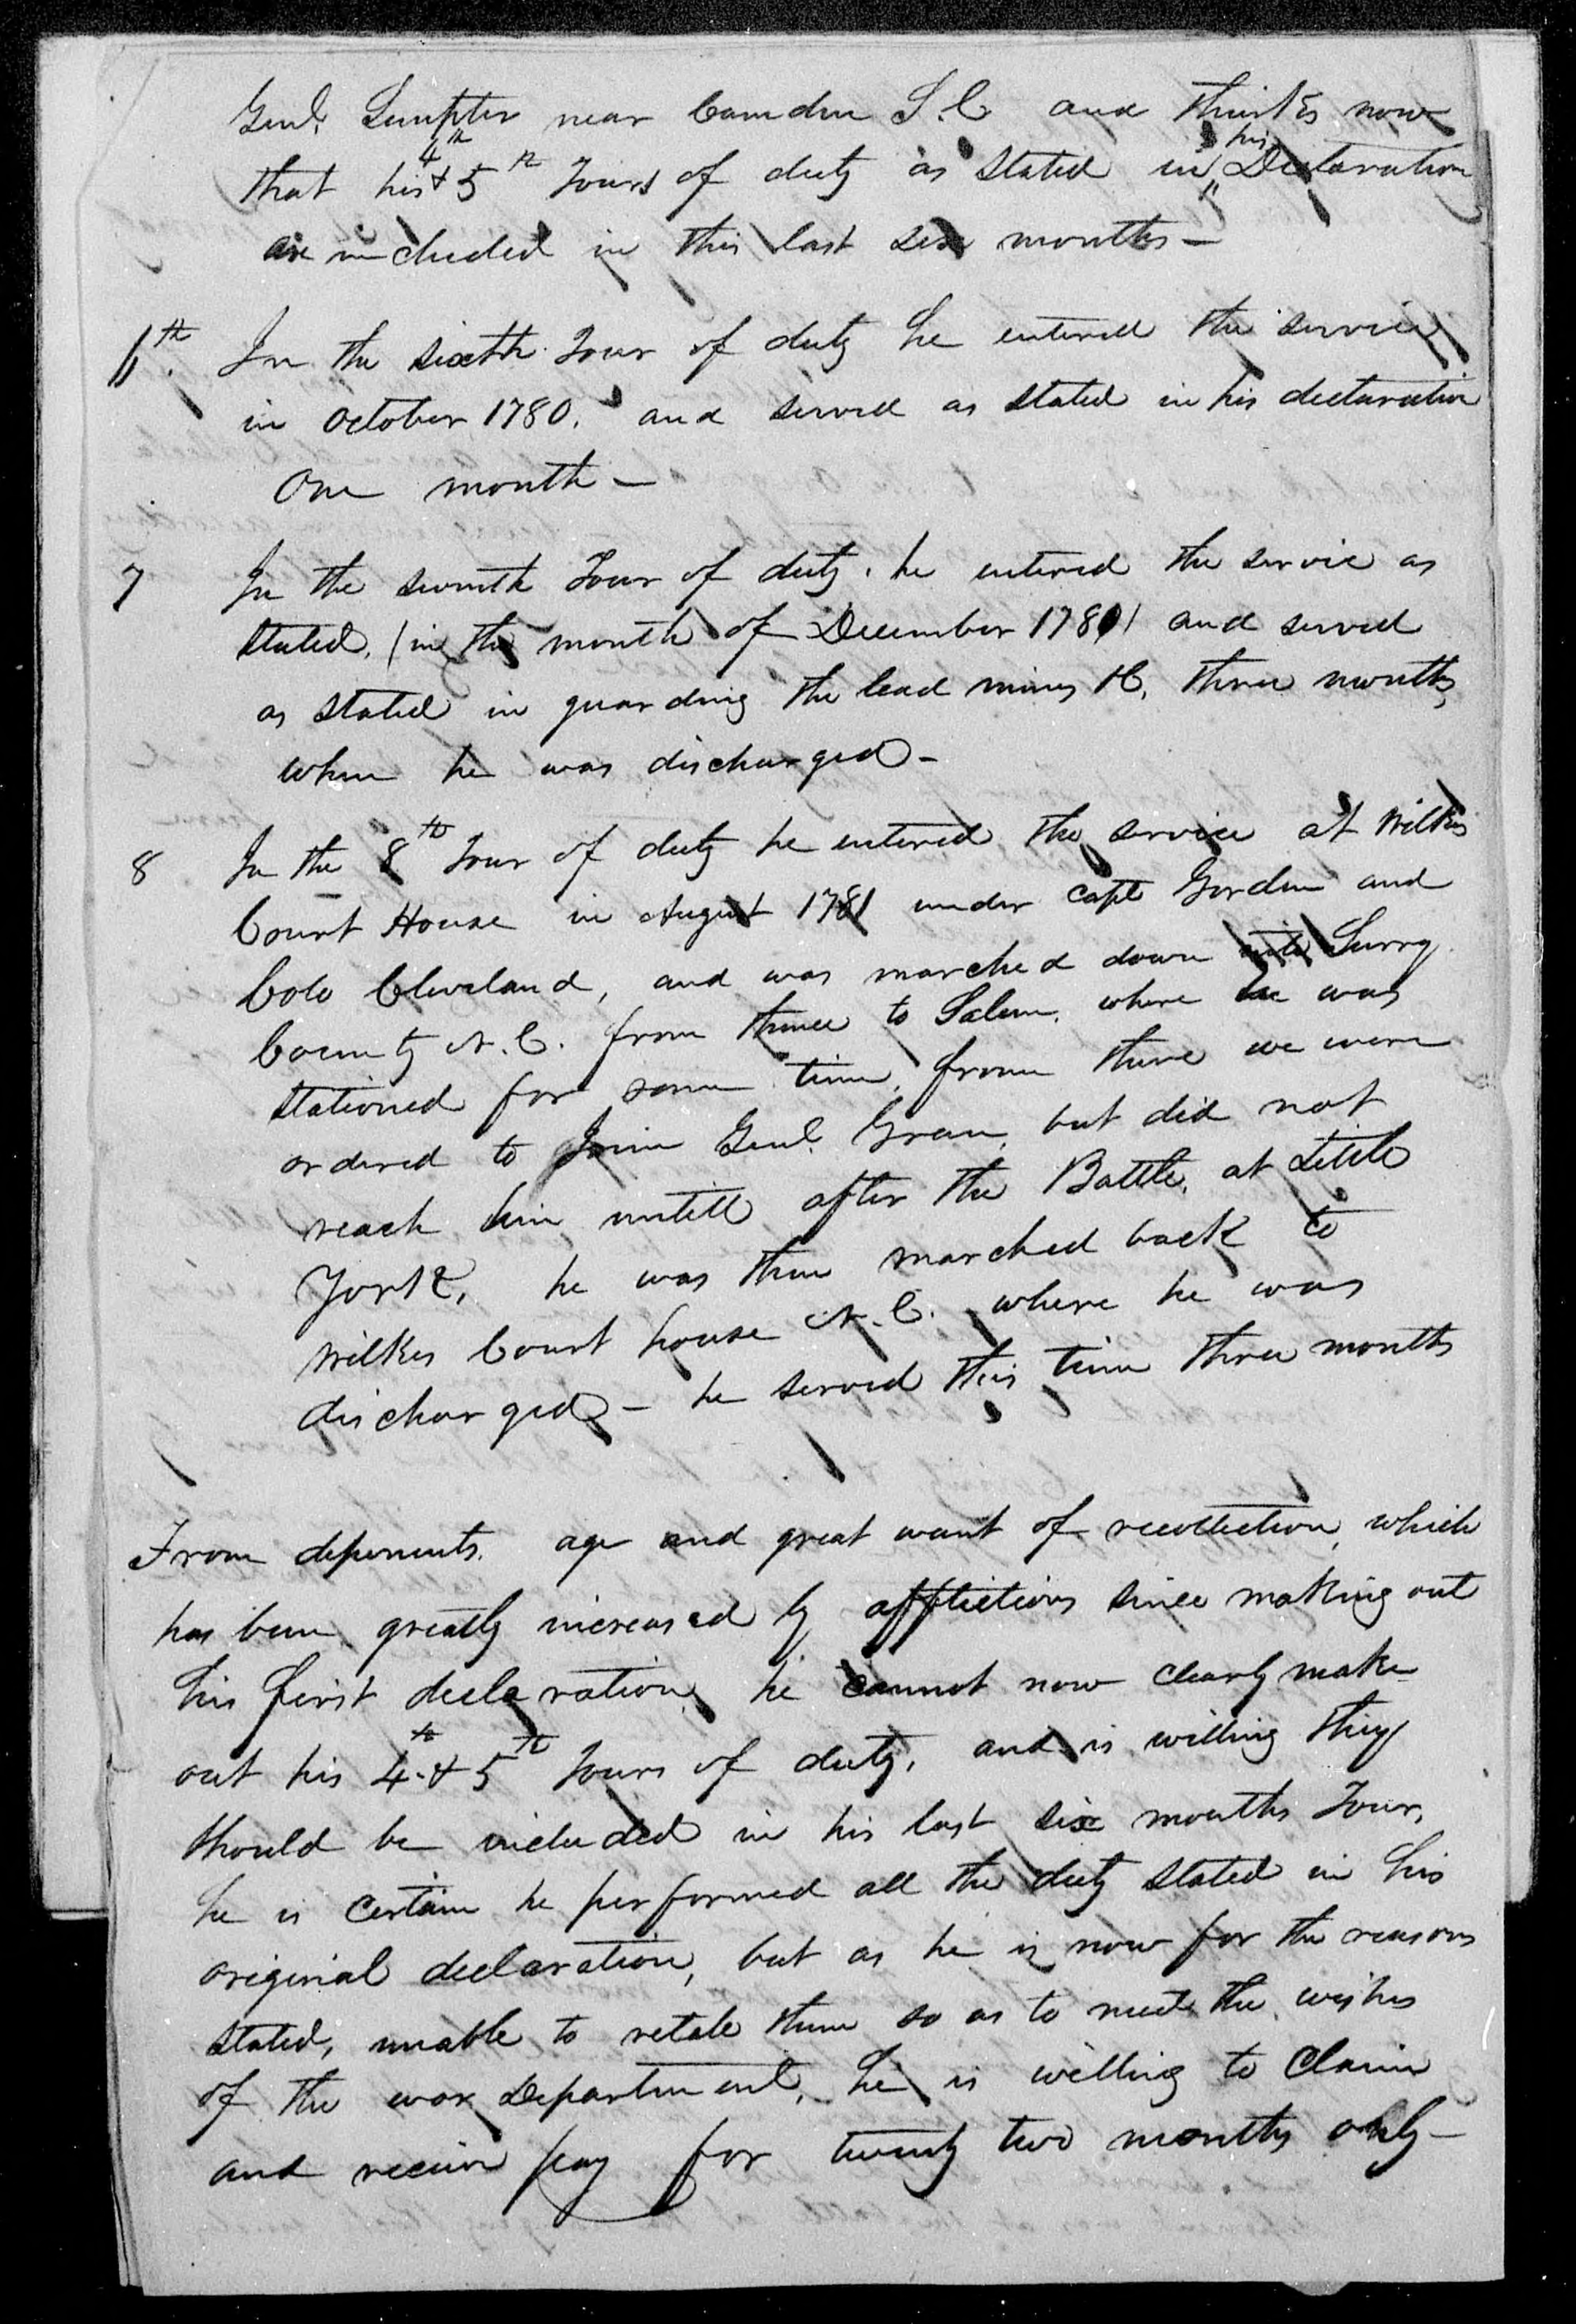General Sumpter near Camden S.C. and thinks now that his 4th and 5th Tours of duty as stated in his Declaration are included in this last six months-

In the sixth Tour of duty he entered the service in October 1780, and served as stated in his declaration one month-

In the seventh Tour of duty, he entered the service as stated/in the month of December 1780/ and served as stated in guarding the lead mines for three months when he was discharged-

In the 8th Tour of duty he entered the service at Mills Court House in August 1781 under Capt Gordon and Col Cleveland, and was marched down Perry County N.C. from there to Salem where he was stationed for some time from there we were ordered to join General Green but did not reach him until after the Battle at 
Fort York, he was then marched back to Wilkes Court house N.C. where he was discharged-he served this time three months.

From [illegible] age and great want of revolution which has been greatly increased by affiliation since making out his first declaration he cannot now clearly make out his 4th & 5th Tours of duty, and is willing [illegible] should be included in his last six months Tour, he is certain he performed all the duty stated in his
original declaration, but as he is now for the reasons stated, unable to retale them so as to meet the wishes of the war Department he is willing to claim and receive pay for twenty two months only-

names: Cleveland, Green, Gordon, Sunpter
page: 40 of 51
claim: widow's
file: W. 929, William Glover, N.C.